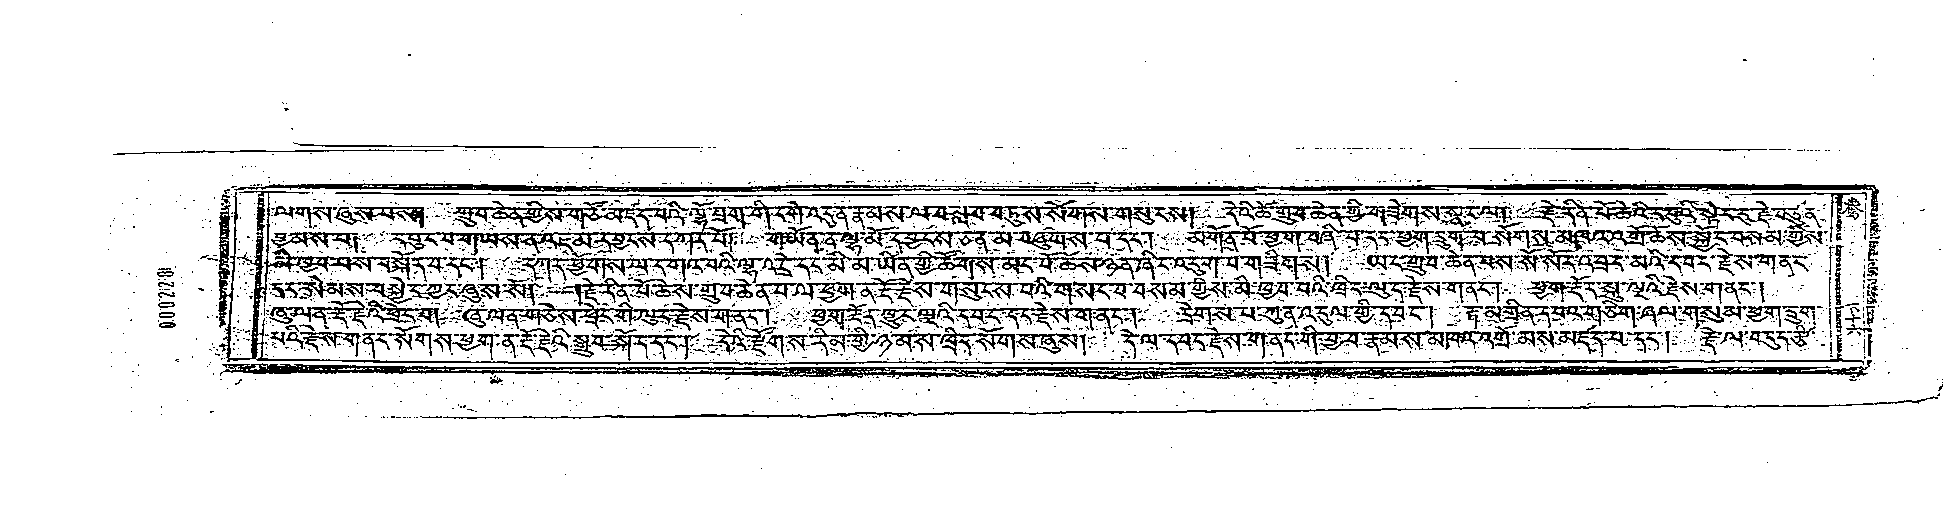ལགས་ཞུས་པས། གྲུབ་ཆེན་གྱིས་གཙོ་མཛད་པའི་ལྷོ་བྲག་གི་དགེ་འདུན་རྣམས་ལ་བསླབ་བཏུས་སོགས་གསུངས། དེའི་ཚེ་གྲུབ་ཆེན་གྱི་གཟིགས་སྣང་ལ། རྗེ་རིན་པོ་ཆེའི་དབུའི་སྟེང་དུ་རྗེ་བཙུན་
བྱམས་པ། དཔུང་བ་གཡས་ན་འཇམ་དབྱངས་དཀར་པོ། གཡོན་ན་ལྷ་མོ་དབྱངས་ཅན་མ་བཞུགས་པ་དང་། མགོན་པོ་ཕྱག་བཞི་པ་དང་ཕྱག་དྲུག་པ་སོགས་མཁའ་འགྲོ་ཆོས་སྐྱོང་བསམ་གྱིས་
མི་ཁྱབ་པས་བསྐོར་བ་དང་། དཀར་ཕྱོགས་ལ་དགའ་བའི་ལྷ་འདྲེ་དང་མི་མ་ཡིན་གྱི་ཚོགས་མང་པོ་ཆོས་ཉན་ཞིང་འདུག་པ་གཟིགས། ཡང་གྲུབ་ཆེན་པས་སོ་སོར་འབྲང་མའི་དབང་རྗེས་གནང་
དང་སེམས་བསྐྱེད་ཀྱང་ཞུས་སོ། །རྗེ་རིན་པོ་ཆེས་གྲུབ་ཆེན་པ་ལ་ཕྱག་ན་རྡོ་རྗེས་གསུངས་པའི་གསང་བ་བསམ་གྱིས་མི་ཁྱབ་པའི་ཁྲིད་ལུང་རྗེས་གནང་། ཕྱག་རྔོར་སྐུ་ལྔའི་རྗེས་གནང་།
ཞུ་ལན་རྡོ་རྗེའི་ཕྲེང་བ། ཞུ་ལན་གཅེས་ཕྲེང་གི་ལུང་རྗེས་གནང་། ཕྱག་རྡོར་ཁྱུང་ལྔའི་དབང་དང་རྗེས་གནང་། དྲེགས་པ་ཀུན་འདུལ་གྱི་དབང་། རྟ་མགྲིན་དཔའ་གཅིག་ཞལ་གསུམ་ཕྱག་དྲུག་
པའི་རྗེས་གནང་སོགས་ཕྱག་ན་རྡོ་རྗེའི་སྒྲུབ་སྐོར་དང་། དེའི་རྫོགས་རིམ་གྱི་ཉམས་ཁྲིད་སོགས་ཞུས། དེ་ལ་དབང་རྗེས་གནང་གི་བྱ་བ་རྣམས་མཁའ་འགྲོ་མས་མཛད་པ་དང་། རྗེ་ལ་བདུད་རྩི་